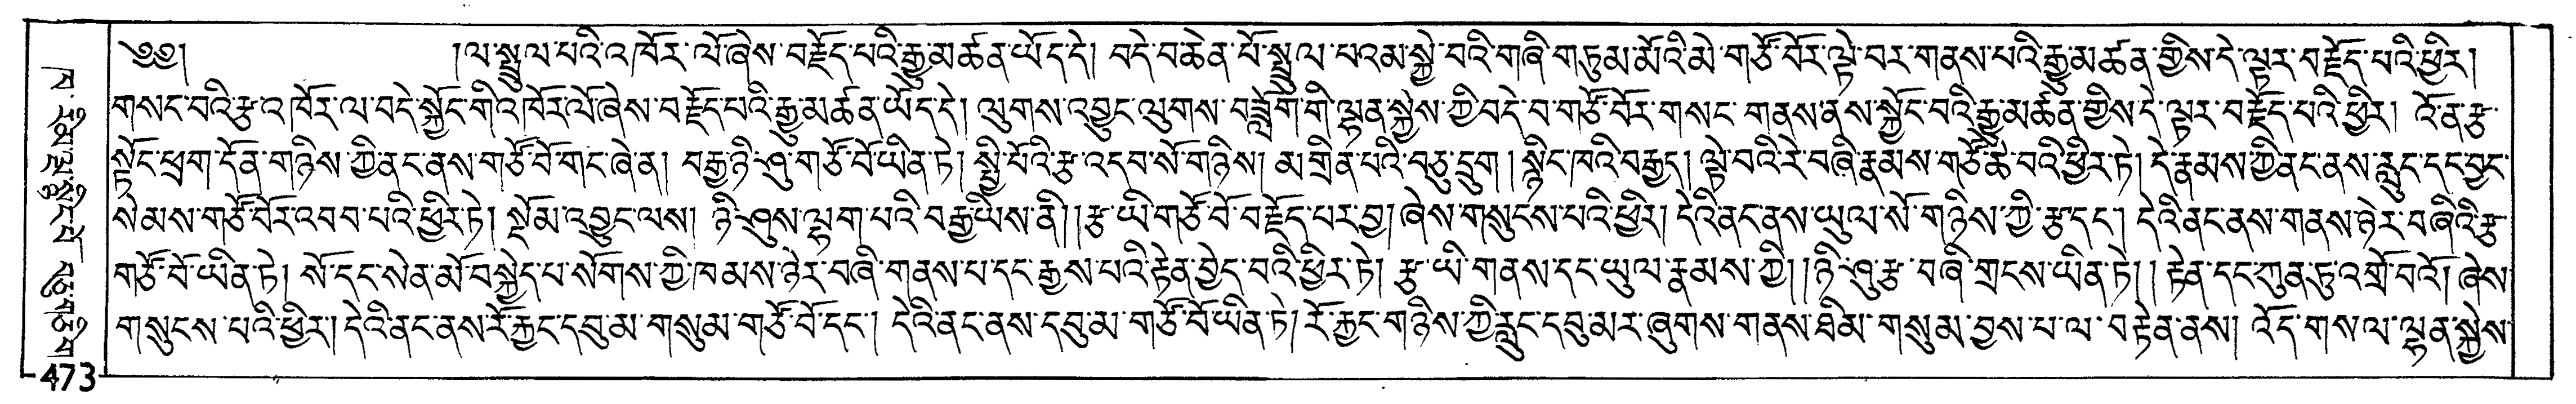༄༅། །ལ་སྤྲུལ་པའི་འཁོར་ལོ་ཞེས་བརྗོད་པའི་རྒྱུ་མཚན་ཡོད་དེ། བདེ་བ་ཆེན་པོ་སྤྲུལ་པའམ་སྐྱེ་བའི་གཞི་གཏུམ་མོའི་མེ་གཙོ་བོར་ལྟེ་བར་གནས་པའི་རྒྱུ་མཚན་གྱིས་དེ་ལྟར་བརྗོད་པའི་ཕྱིར།
གསང་བའི་རྩ་འཁོར་ལ་བདེ་སྐྱོང་གི་འཁོར་ལོ་ཞེས་བརྗོད་པའི་རྒྱུ་མཚན་ཡོད་དེ། ལུགས་འབྱུང་ལུགས་བཟློག་གི་ལྷན་སྐྱེས་ཀྱི་བདེ་བ་གཙོ་བོར་གསང་གནས་ནས་སྐྱོང་བའི་རྒྱུ་མཚན་གྱིས་དེ་ལྟར་བརྗོད་པའི་ཕྱིར། འོ་ན་རྩ་
སྟོང་ཕྲག་དོན་གཉིས་ཀྱི་ནང་ནས་གཙོ་བོ་གང་ཞེ་ན། བརྒྱ་ཉི་ཤུ་གཙོ་བོ་ཡིན་ཏེ། སྤྱི་པོའི་རྩ་འདབ་སོ་གཉིས། མགྲིན་པའི་བཅུ་དྲུག །སྙིང་ཁའི་བརྒྱད། ལྟེ་བའི་རེ་བཞི་རྣམས་གཙོ་ཆེ་བའི་ཕྱིར་ཏེ། དེ་རྣམས་ཀྱི་ནང་ནས་རླུང་དང་བྱང་
སེམས་གཙོ་བོར་འབབ་པའི་ཕྱིར་ཏེ། སྡོམ་འབྱུང་ལས། ཉི་ཤུས་ལྷག་པའི་བརྒྱ་ཡིས་ནི། །རྩ་ཡི་གཙོ་བོ་བརྗོད་པར་བྱ། ཞེས་གསུངས་པའི་ཕྱིར། དེའི་ནང་ནས་ཡུལ་སོ་གཉིས་ཀྱི་རྩ་དང་། དེའི་ནང་ནས་གནས་ཉེར་བཞིའི་རྩ་
གཙོ་བོ་ཡིན་ཏེ། སོ་དང་སེན་མོ་བསྐྱེད་པ་སོགས་ཀྱི་ཁམས་ཉེར་བཞི་གནས་པ་དང་རྒྱས་པའི་རྟེན་བྱེད་བའི་ཕྱིར་ཏེ། རྩ་ཡི་གནས་དང་ཡུལ་རྣམས་ཀྱི། །ཉི་ཤུ་རྩ་བཞི་གྲངས་ཡིན་ཏེ། །རྟེན་དང་ཀུན་ཏུ་འགྲོ་བའོ། ཞེས་
གསུངས་པའི་ཕྱིར། དེའི་ནང་ནས་རོ་རྐྱང་དབུ་མ་གསུམ་གཙོ་བོ་དང་། དེའི་ནང་ནས་དབུ་མ་གཙོ་བོ་ཡིན་ཏེ། རོ་རྐྱང་གཉིས་ཀྱི་རླུང་དབུ་མར་ཞུགས་གནས་ཐིམ་གསུམ་བྱས་པ་ལ་བརྟེན་ནས། འོད་གསལ་ལྷན་སྐྱེས་